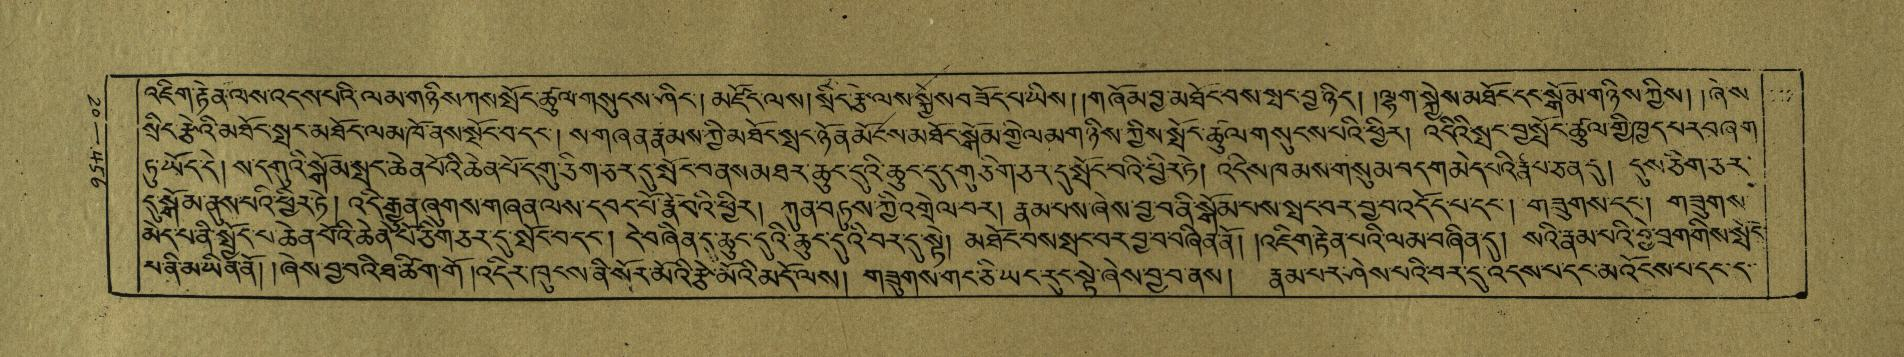འཇིག་རྟེན་ལས་འདས་པའི་ལམ་གཉིས་ཀས་སྤོང་ཚུལ་གསུངས་ཤིང་། མཛོད་ལས། སྲིད་རྩེ་ལས་སྐྱེས་བཟོད་པ་ཡིས། །གཞོམ་བྱ་མཐོང་བས་སྤང་བྱ་ཉིད། །ལྷག་སྐྱེས་མཐོང་དང་སྒོམ་གཉིས་ཀྱིས། །ཞེས་
སྲིད་རྩེའི་མཐོང་སྤང་མཐོང་ལམ་ཁོ་ནས་སྤོང་བ་དང་། ས་གཞན་རྣམས་ཀྱི་མཐོང་སྤང་ཉོན་མོངས་མཐོང་སྒོམ་གྱི་ལམ་གཉིས་ཀྱིས་སྤོང་ཚུལ་གསུངས་པའི་ཕྱིར། འདིའི་སྤང་བྱ་སྤོང་ཚུལ་གྱི་ཁྱད་པར་བཞག་
ཏུ་ཡོད་དེ། ས་དགུའི་སྒོམ་སྤང་ཆེན་པོའི་ཆེན་པོ་དགུ་ཅིག་ཅར་དུ་སྤོང་བ་ནས་མཐར་ཆུང་དུའི་ཆུང་དུ་དགུ་ཅིག་ཅར་དུ་སྤོང་བའི་ཕྱིར་ཏེ། འདིས་ཁམས་གསུམ་བདག་མེད་པའི་རྣཾ་པ་ཅན་དུ། དུས་ཅིག་ཅར་
དུ་སྒོམ་ནུས་པའི་ཕྱིར་ཏེ། འདི་རྒྱུན་ཞུགས་གཞན་ལས་དབང་པོ་རྣོ་བའི་ཕྱིར། ཀུན་བཏུས་ཀྱི་འགྲེལ་བར། རྣམ་པས་ཞེས་བྱ་བ་ནི་སྒོམ་པས་སྤང་བར་བྱ་བ་འདོད་པ་དང་། གཟུགས་དང་། གཟུགས་
མེད་པ་ནི་སྤྱོད་པ་ཆེན་པོའི་ཆེན་པོ་ཅིག་ཅར་དུ་སྤོང་བ་དང་། དེ་བཞིན་དུ་ཆུང་དུའི་ཆུང་དུའི་བར་དུ་སྟེ། མཐོང་བས་སྤང་བར་བྱ་བ་བཞིན་ནོ། །འཇིག་རྟེན་པའི་ལམ་བཞིན་དུ། སའི་རྣམ་པའི་བྱེ་བྲག་གིས་སྤོང་
པ་ནི་མ་ཡིན་ནོ། །ཞེས་བྱ་བའི་ཐ་ཚིག་གོ །འདིར་ཁུངས་ནི་སོར་མོའི་རྩེ་མོའི་མདོ་ལས། གཟུགས་གང་ཅི་ཡང་རུང་སྟེ་ཞེས་བྱ་བ་ནས། རྣམ་པར་ཤེས་པའི་བར་དུ་འདས་པ་དང་མ་འོངས་པ་དང་ད་